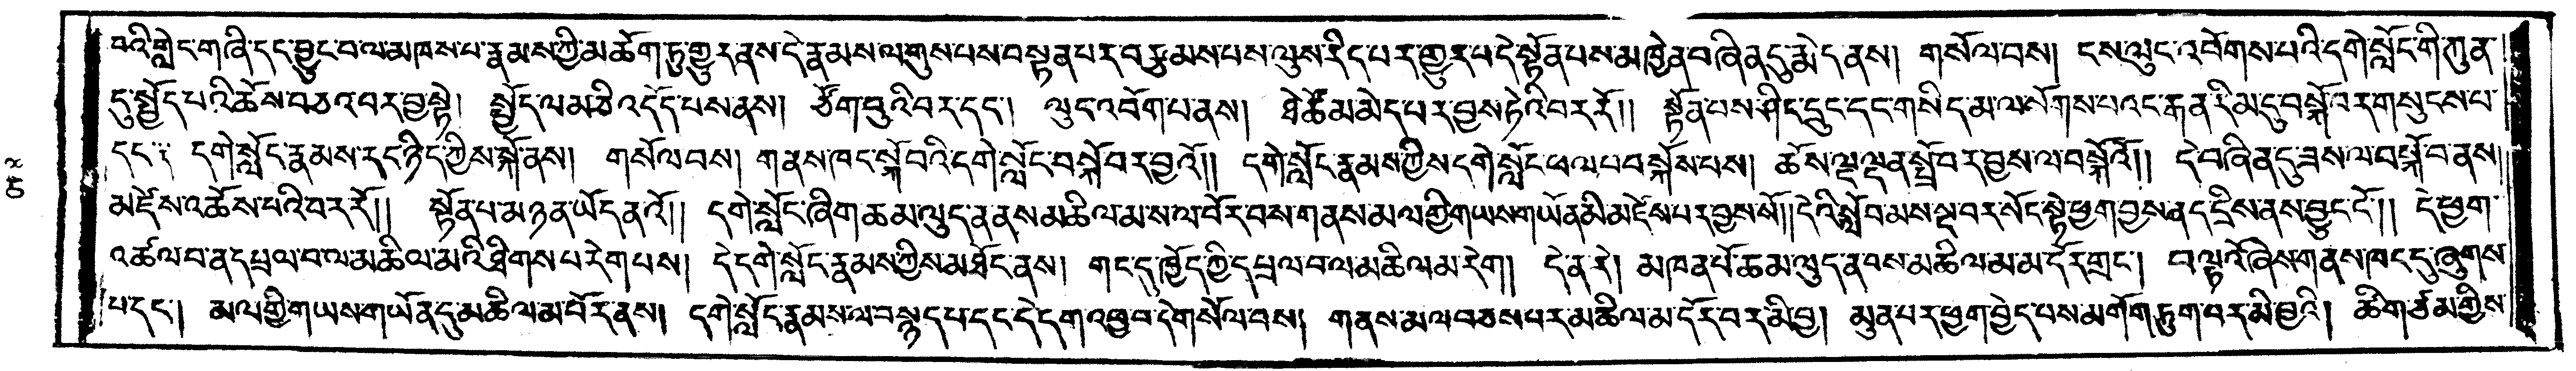བའི་གླེང་གཞི་དང་བྱུང་བ་ལ་མཁས་པ་རྣམས་ཀྱི་མཆོག་ཏུ་གྱུར་ནས་དེ་རྣམས་ལ་གུས་པས་བསྟན་པར་བརྩམས་པས་ལུས་རིད་པར་གྱུར་པ་དེ་སྟོན་པས་མཁྱེན་བཞིན་དུ་རྨེད་ནས། གསོལ་བས། ངས་ལུང་འབོགས་པའི་དགེ་སློང་གི་ཀུན་
དུ་སྤྱོད་པའི་ཆོས་བཅའ་བར་བྱ་སྟེ། སྤྱོད་ལམ་ཅི་འདོད་པས་ནས། ཙོག་བུའི་བར་དང་། ལུང་འབོག་པ་ནས། ཐེ་ཚོམ་མེད་པར་བྱས་ཏེའི་བར་རོ།། སྟོན་པས་ཤིང་དྲུང་དང་གསིད་མ་ལ་སོགས་པའང་རྒན་རིམ་དུ་བསྐོ་བར་གསུངས་པ་
དང༑ དགེ་སློང་རྣམས་རང་ཉིད་ཀྱིས་སྐོ་ནས། གསོལ་བས། གནས་ཁང་སྐོ་བའི་དགེ་སློང་བསྐོ་བར་བྱའོ།། དགེ་སློང་རྣམས་ཀྱིས་དགེ་སློང་ཕལ་བ་བསྐོས་པས། ཆོས་ལྔ་ལྡན་སྤྲོ་བར་བྱས་ལ་བསྐོའོ།། དེ་བཞིན་དུ་ཟས་ལ་བསྐོ་བ་ནས་
མཛེས་འཆོས་པའི་བར་རོ།། སྟོན་པ་མཉན་ཡོད་ནའོ།། དགེ་སློང་ཞིག་ཆམ་ལུད་ན་ནས་མཆིལ་མ་ས་ལ་བོར་བས་གནས་མལ་གྱི་གཡས་གཡོན་མི་མཛེས་པར་བྱས་སོ།། དེའི་སློབ་མས་སྔ་བར་སོང་སྟེ་ཕྱག་བྱས་ནད་དྲིས་ནས་བྱུང་ངོ།། དེ་ཕྱག་
འཚལ་བ་ན་དཔྲལ་བ་ལ་མཆིལ་མའི་ཐིགས་པ་རེག་པས། དེ་དགེ་སློང་རྣམས་ཀྱིས་མཐོང་ནས། གང་དུ་ཁྱོད་ཀྱི་དཔྲལ་བ་ལ་མཆིལ་མ་རེག། དེ་ར་རེ། མཁན་པོ་ཆམ་ལུད་ན་བས་མཆིལ་མ་མ་དོར་གྲང་། བལྟའོ་ཞེས་གནས་ཁང་དུ་ཞུགས་
པ་དང་། མལ་གྱི་གཡས་གཡོན་དུ་མཆིལ་མ་བོར་ནས། དགེ་སློང་རྣམས་ལ་བསྙད་པ་དང་དེ་དག་འཕྱ་བ་དེ་གསོལ་བས། གནས་མལ་བཅས་པར་མཆིལ་མ་དོར་བར་མི་བྱ། མུན་པར་ཕྱག་བྱེད་པས་མགོག་ཏུག་བར་མི་བྱའི། ཚིག་ཙམ་གྱིས་